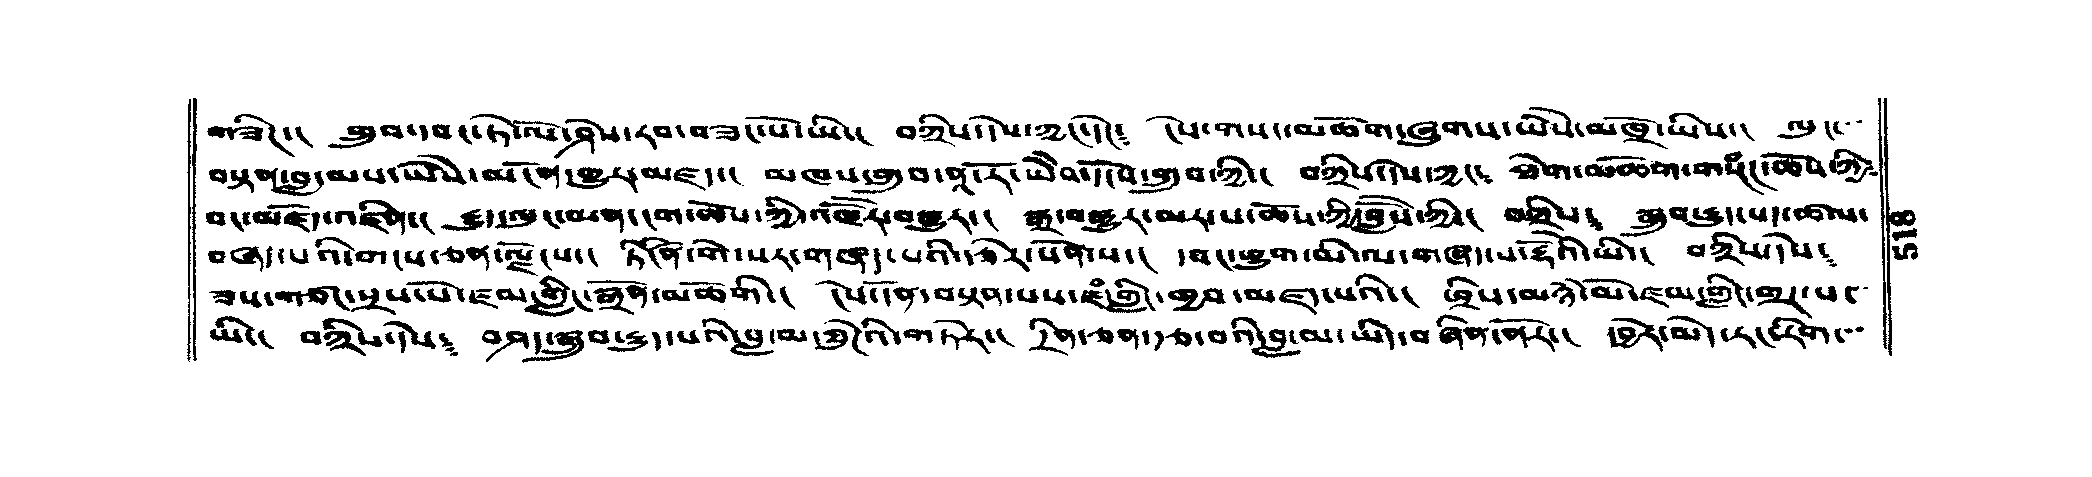གཟིགས། །གྲུབ་དབང་ཏེ་ལོ་ཤེས་རབ་བཟང་པོ་ཡི། ། བཀྲ་ཤིས་དེས་ཀྱང་དེང་འདིར་བདེ་ལེགས་ཤོག་། ངེས་གསང་མཆོག་ཞུགས་ཡེ་ཤེས་མཁའ་འགྲོ་ཡིས། །ལུང་
བསྟན་བླ་མས་ཡེ་ཤེས་མངོན་གྱུར་མཛད། །མཁས་གྲུབ་ནཱ་རོ་ཡེ་ཤེས་དངོས་གྲུབ་ཀྱི། །བཀྲ་ཤིས་དེས་ཀྱང་དེང་འདིར་བདེ་ལེགས་ཤོག་། ཐེག་མཆོག་གསང་སྔགས་ཆོས་ཀྱི་
དབང་མཛོད་འཛིན། །རྒྱུད་ལུང་མན་ངག་ཆོས་ཀྱི་འཁོར་ལོ་བསྒྱུར། །སྒྲ་བསྒྱུར་མར་པ་ཆོས་ཀྱི་བློ་གྲོས་ཀྱི། །བཀྲ་ཤིས་དེས་ཀྱང་དེང་འདིར་བདེ་ལེགས་ཤོག་། སྒྲུབ་རྒྱུད་པད་ཚལ་
བཞད་པའི་གངས་ཅན་ལྗོངས། །ཏིང་འཛིན་གེ་སར་བཞད་པའི་རྩེར་སོན་པ། །དབང་ཕྱུག་མི་ལ་བཞད་པ་རྡོ་རྗེ་ཡི། །བཀྲ་ཤིས་དེས་ཀྱང་དེང་འདིར་བདེ་ལེགས་ཤོག་།
ཟས་གཙང་སྲས་པོ་འཛམ་གླིང་སྒྲོན་མཆོག་གི་། ངེས་དོན་བསྟན་པས་འཛམ་གླིང་ཁྱབ་མཛད་པའི། །ཕྲིན་ལས་མཉམ་མེད་འཛམ་གླིང་གྲགས་པ་
ཡི། །བཀྲ་ཤིས་དེས་ཀྱང་དེང་འདིར་བདེ་ལེགས་ཤོག་།བཤད་སྒྲུབ་རྒྱུད་པའི་བླ་མ་ཐུགས་རྗེའི་གཏེར། ། དྲིན་ཅན་རྩ་བའི་བླ་མ་ཡིད་བཞིན་ནོར། །དབྱེར་མེད་རང་རིག་